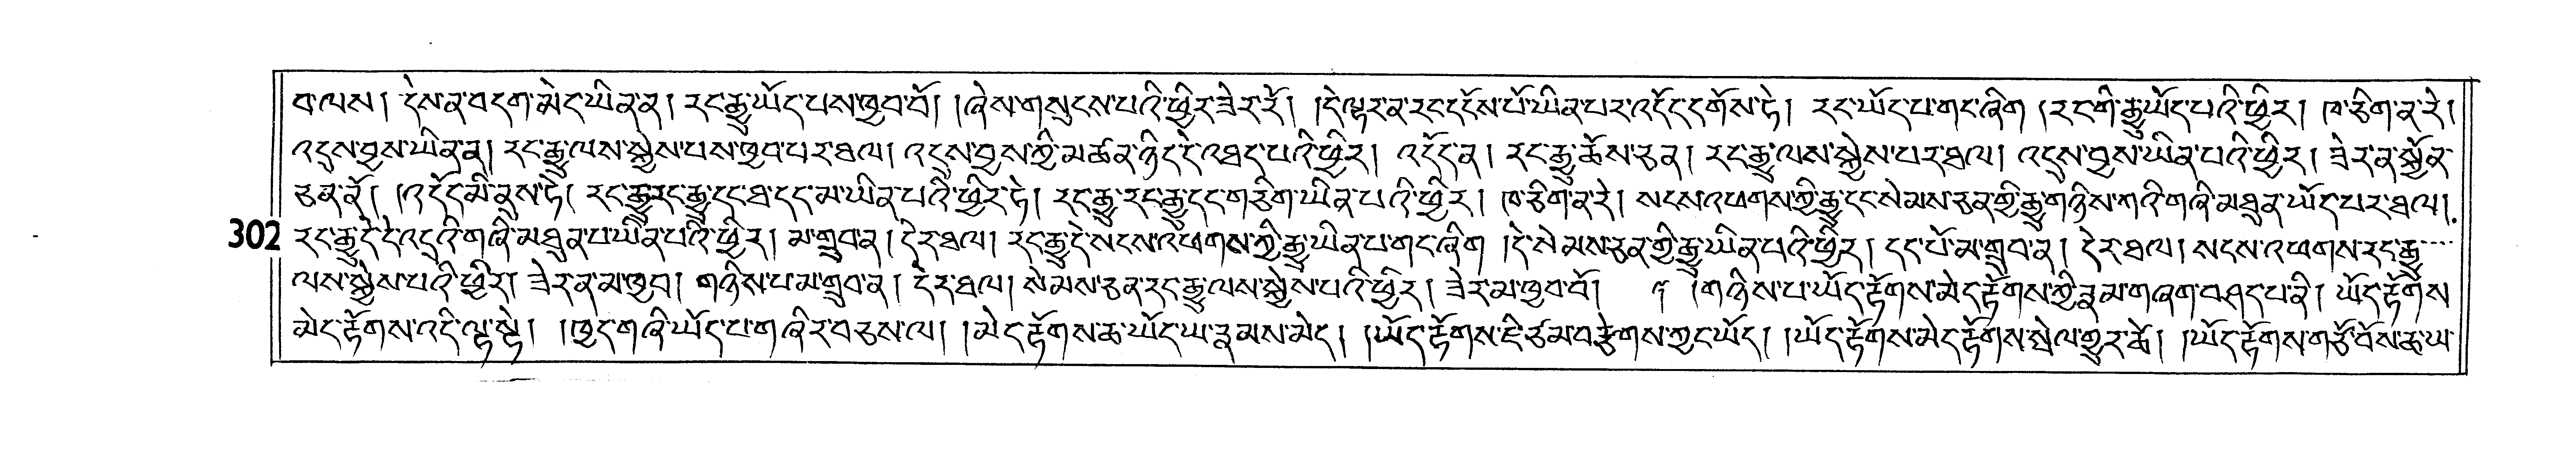བ་ལས། དེས་ན་བདག་མེད་ཡིན་ན། རང་རྒྱུ་ཡོད་པས་ཁྱབ་བོ། །ཞེས་གསུངས་པའི་ཕྱིར་ཟེར་རོ། །དེ་ལྟར་ན་རང་དངོས་པོ་ཡིན་པར་འདོད་དགོས་ཏེ། རང་ཡོད་པ་གང་ཞིག །རང་གི་རྒྱུ་ཡོད་པའི་ཕྱིར། ཁ་ཅིག་ན་རེ།
འདུས་བྱས་ཡིན་ན། རང་རྒྱུ་ལས་སྐྱེས་པས་ཁྱབ་པར་ཐལ། འདུས་བྱས་ཀྱི་མཚན་ཉིད་དེ་འཐད་པའི་ཕྱིར། འདོད་ན། རང་རྒྱུ་ཆོས་ཅན། རང་རྒྱུ་ལས་སྐྱེས་པར་ཐལ། འདུས་བྱས་ཡིན་པའི་ཕྱིར། ཟེར་ན་སྐྱོན་
ཅན་ནོ། །འདོད་མི་ནུས་ཏེ། རང་རྒྱུ་རང་རྒྱུ་དང་ཐ་དད་མ་ཡིན་པའི་ཕྱིར་ཏེ། རང་རྒྱུ་རང་རྒྱུ་དང་གཅིག་ཡིན་པའི་ཕྱིར། ཁ་ཅིག་ན་རེ། སངས་འཕགས་ཀྱི་རྒྱུ་དང་སེམས་ཅན་གྱི་རྒྱུ་གཉིས་ཀའི་གཞི་མཐུན་ཡོད་པར་ཐལ།
རང་རྒྱུ་དེ་དེ་འདྲའི་གཞི་མཐུན་པ་ཡིན་པའི་ཕྱིར། མ་གྲུབ་ན། དེར་ཐལ། རང་རྒྱུ་དེ་སངས་འཕགས་ཀྱི་རྒྱུ་ཡིན་པ་གང་ཞིག །དེ་སེམས་ཅན་གྱི་རྒྱུ་ཡིན་པའི་ཕྱིར། དང་པོ་མ་གྲུབ་ན། དེར་ཐལ། སངས་འཕགས་རང་རྒྱུ་
ལས་སྐྱེས་པའི་ཕྱིར། ཟེར་ན་མ་ཁྱབ། གཉིས་པ་མ་གྲུབ་ན། དེར་ཐལ། སེམས་ཅན་དང་རྒྱུ་ལས་སྐྱེས་པའི་ཕྱིར། ཟེར་མ་ཁྱབ་བོ། ༈ །གཉིས་པ་ཡོད་རྟོགས་མེད་རྟོགས་ཀྱི་རྣམ་གཞག་བཤད་པ་ནི། ཡོད་རྟོགས་
མེད་རྟོགས་འདི་ལྟ་སྟེ། །ཁྱད་གཞི་ཡོད་པ་གཞིར་བཅས་ལ། །མེད་རྟོགས་ཆ་ཡོད་ཡ་རྣམས་མེད། །ཡོད་རྟོགས་ཇི་ཙམ་བརྩེགས་ཀྱང་ཡོད། །ཡོད་རྟོགས་མེད་རྟོགས་སྤེལ་གྱུར་ཚེ། །ཡོད་རྟོགས་གཙོ་བོས་ཆ་ཡ་